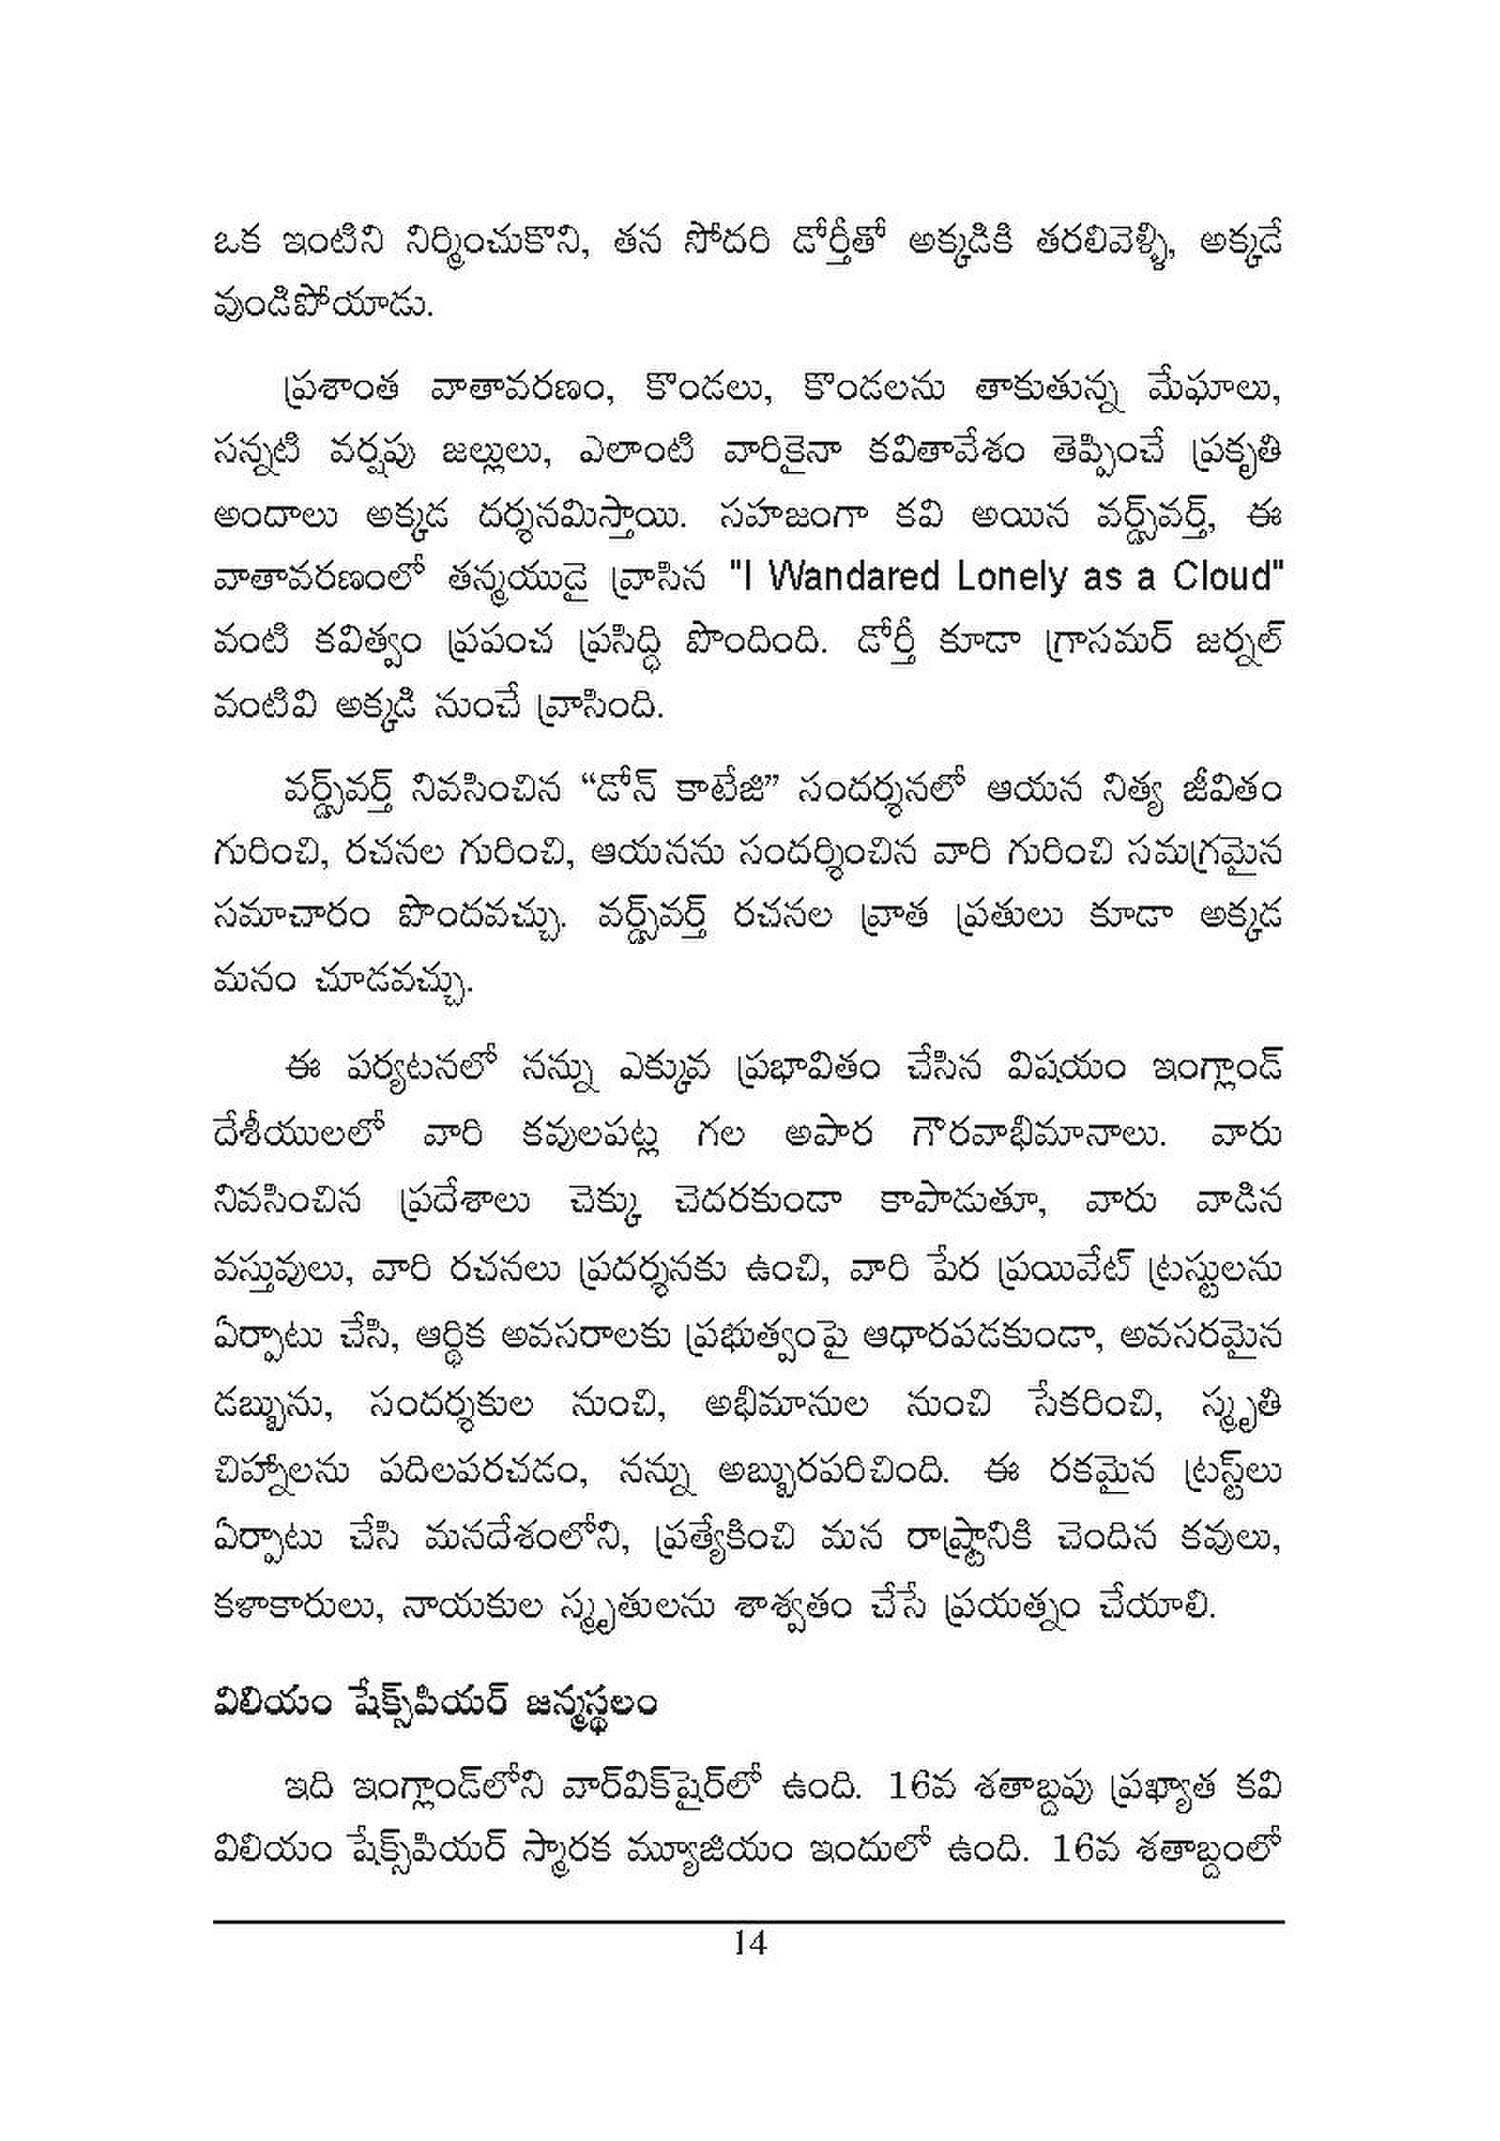ఒక ఇంటిని నిర్మించుకొని, తన సోదరి డోర్తీతో అక్కడికి తరలివెళ్ళి, అక్కడే వుండిపోయాడు. 

ప్రశాంత వాతావరణం, కొండలు, కొండలను తాకుతున్న మేఘాలు, సన్నటి వర్షపు జల్లులు, ఎలాంటి వారికైనా కవితావేశం తెప్పించే ప్రకృతి అందాలు అక్కడ దర్శనమిస్తాయి. సహజంగా కవి అయిన వర్డ్స్‌వర్త్ ఈ వాతావరణంలో తన్మయుడై వ్రాసిన "I Wandared Lonely as a Cloud" వంటి కవిత్వం ప్రపంచ ప్రసిద్ధి పొందింది. డోర్తీ కూడా గ్రాసమర్ జర్నల్ వంటివి అక్కడి నుంచే వ్రాసింది. 

వర్డ్స్‌వర్త్ నివసించిన "డౌన్ కాటేజి" సందర్శనలో ఆయన నిత్య జీవితం గురించి, రచనల గురించి, ఆయనను సందర్శించిన వారి గురించి సమగ్రమైన సమాచారం పొందవచ్చు వర్డ్స్‌వర్త్ రచనల వ్రాత ప్రతులు కూడా అక్కడ మనం చూడవచ్చు. ఈ పర్యటనలో నన్ను ఎక్కువ ప్రభావితం చేసిన విషయం ఇంగ్లాండ్ దేశీయులలో వారి కవులపట్ల గల అపార గౌరవాభిమానాలు. వారు నివసించిన ప్రదేశాలు చెక్కు చెదరకుండా కాపాడుతూ, వారు వాడిన వస్తువులు, వారి రచనలు ప్రదర్శనకు ఉంచి, వారి పేర ప్రయివేట్ ట్రస్టులను ఏర్పాటు చేసి, ఆర్థిక అవసరాలకు ప్రభుత్వంపై ఆధారపడకుండా, అవసరమైన డబ్బును, సందర్శకుల నుంచి, అభిమానుల నుంచి సేకరించి, స్మృతి చిహ్నాలను పదిలపరచడం, నన్ను అబ్బురపరిచింది. ఈ రకమైన ట్రస్ట్‌లు ఏర్పాటు చేసి మనదేశంలోని, ప్రత్యేకించి మన రాష్ట్రానికి చెందిన కవులు, కళాకారులు, నాయకుల స్మృతులను శాశ్వతం చేసే ప్రయత్నం చేయాలి. 

విలియం షేక్‌స్పియర్ జన్మస్థలం 

ఇది ఇంగ్లాండ్‌లోని వార్‌విక్‌షైర్లో ఉంది. 16వ శతాబ్దపు ప్రఖ్యాత కవి విలియం పేక్స్పియర్ స్మారక మ్యూజియం ఇందులో ఉంది. 16వ శతాబ్దంలో